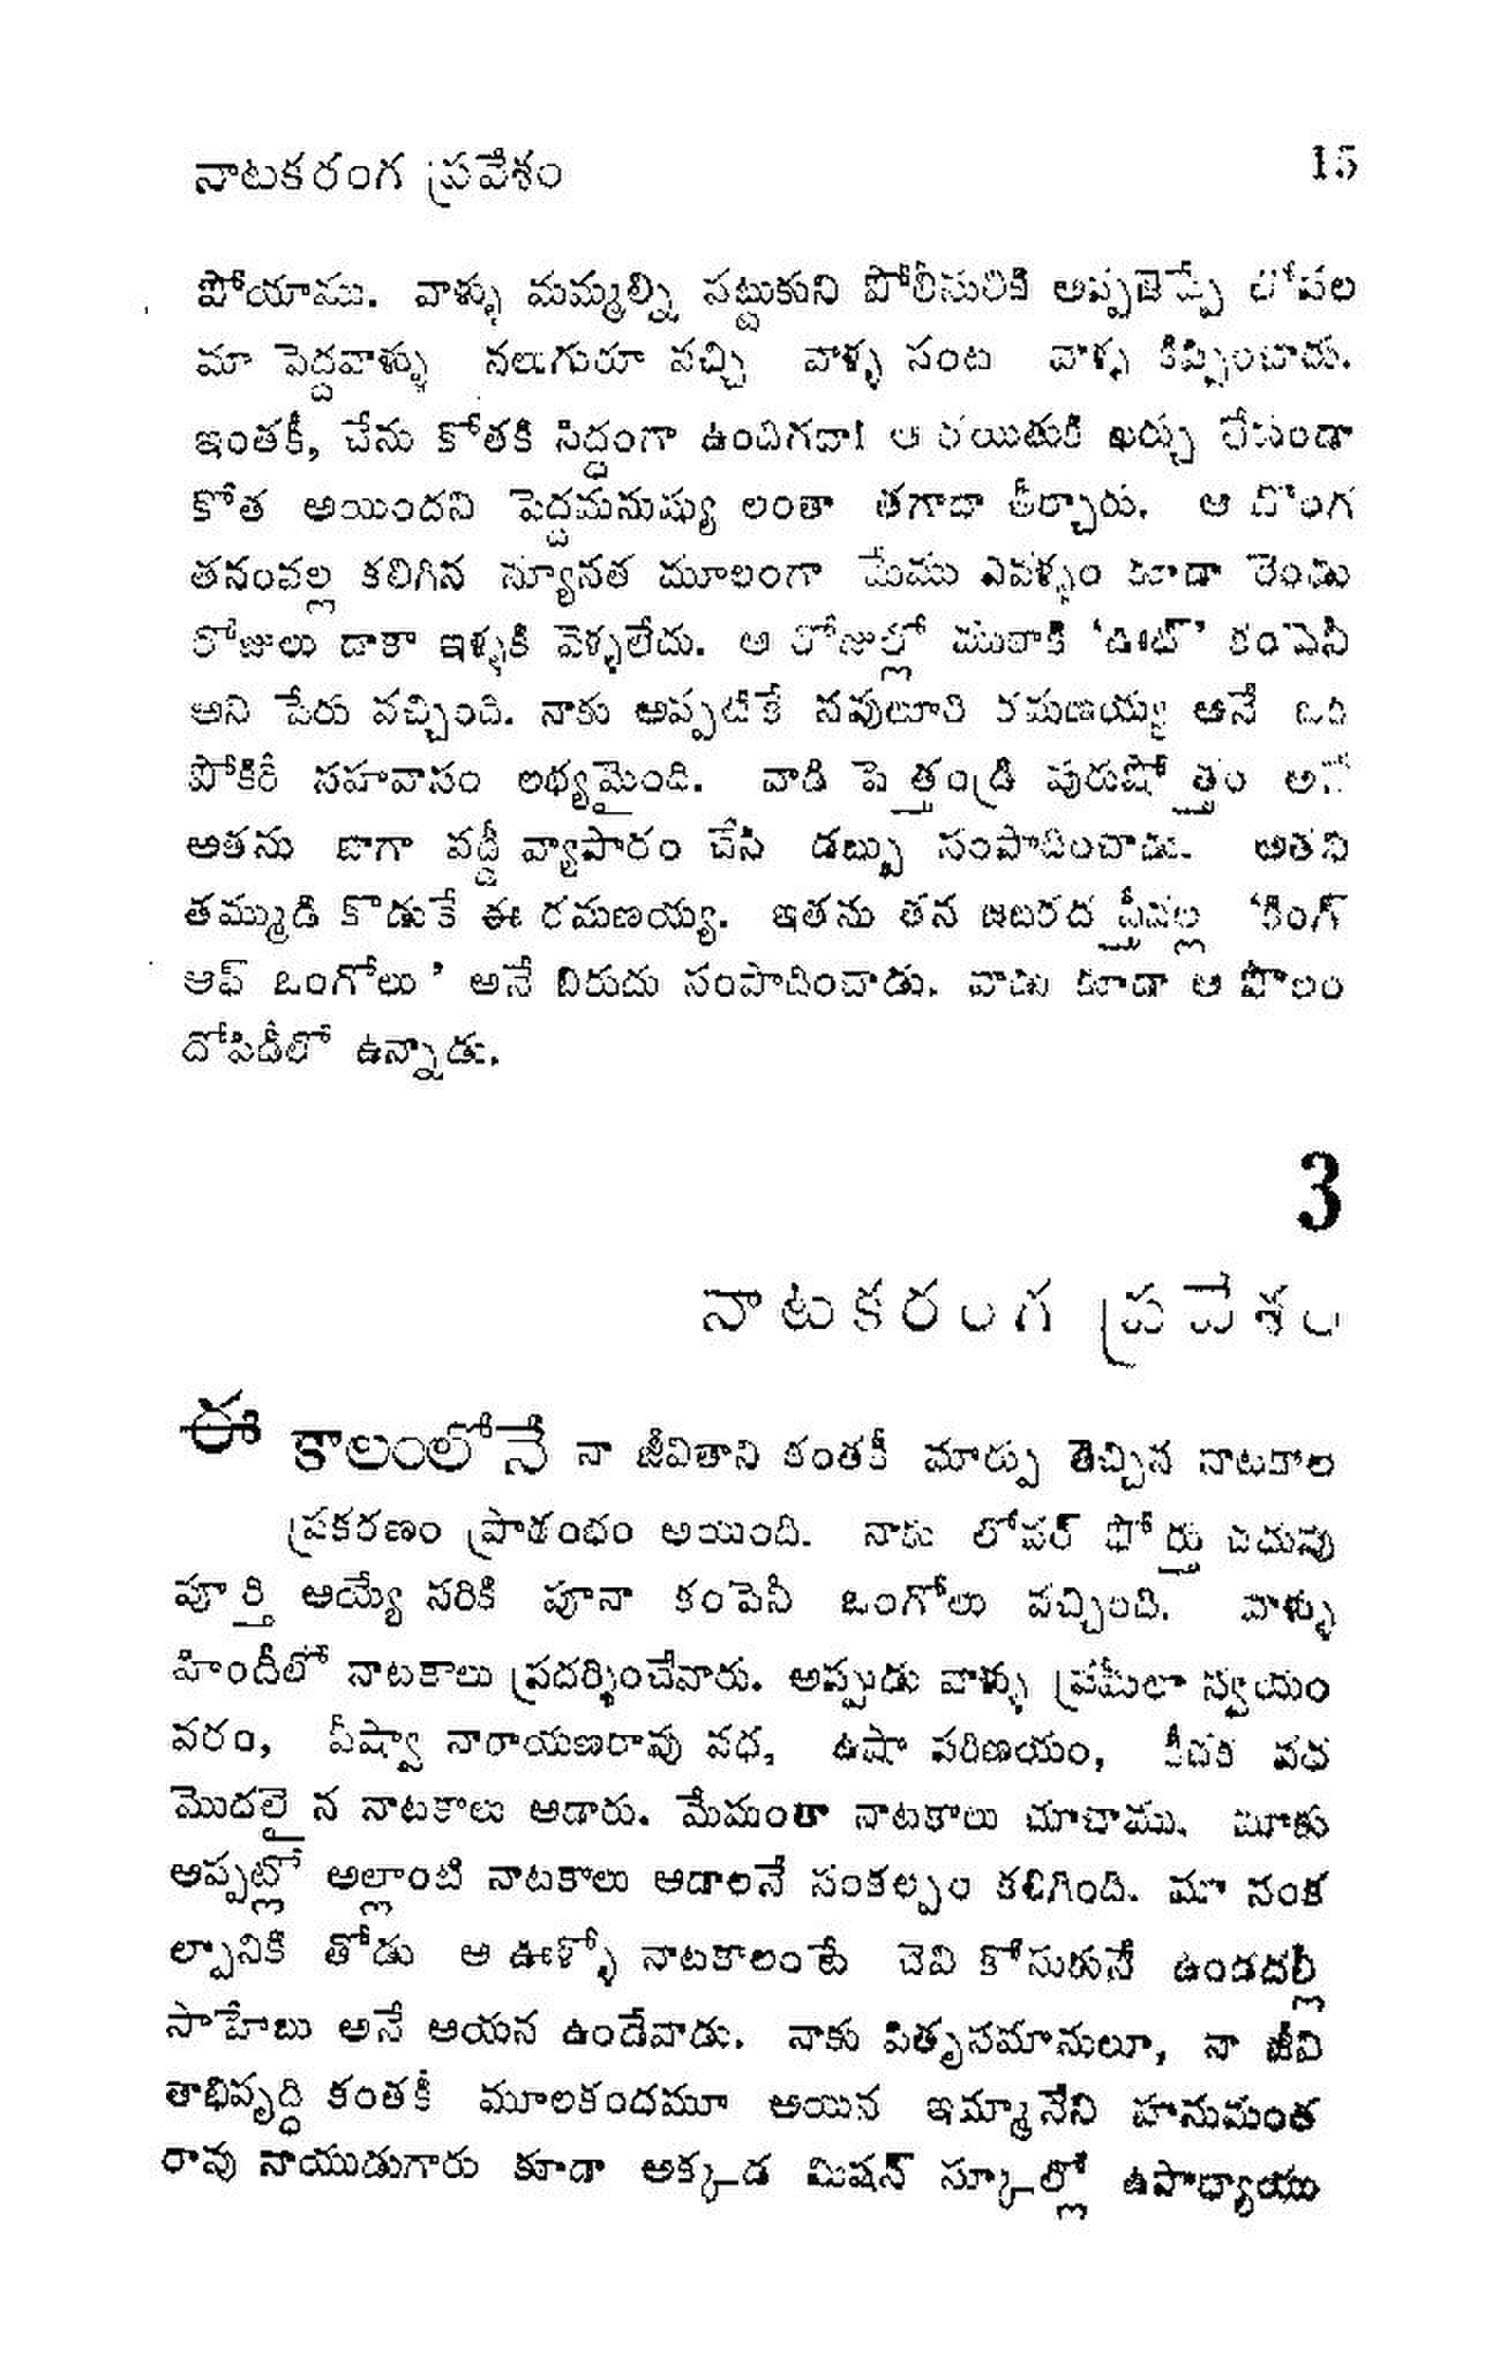పోయాము. వాళ్ళు మమ్మల్ని పట్టుకుని పోలీసులికి అప్పజెప్పే లోపల మా పెద్దవాళ్ళు నలుగురూ వచ్చి వాళ్ళ పంట వాళ్ళ కిప్పించారు. ఇంతకీ చేను కోతకి సిద్ధంగా ఉంది కదా! ఆ రయితుకి ఖర్చు లేకుండా కోత అయిందని పెద్దమనుష్యులంతా తగాదా తీర్చారు. ఆ దొంగతనం వల్ల కలిగిన న్యూనత మూలంగా మేము ఎవళ్ళం కూడా రెండు రోజుల దాకా ఇళ్ళకి వెళ్ళలేదు. ఆ రోజుల్లో ముఠాకి 'ఊట్' కంపెనీ అనే పేరు వచ్చింది. నాకు అప్పటికే నవులూరి రమణయ్య అనే ఒక పోకిరీ సహవాసం లభ్యమైంది. వాడి పెత్తండ్రి పురుషోత్తం అనే అతను బాగా వడ్డీ వ్యాపారం చేసి డబ్బు సంపాదించాడు. అతని తమ్ముడి కొడుకే ఈ రమణయ్య. ఇతను తన జబరదస్తీ వల్ల 'కింగ్ ఆఫ్ ఒంగోలు' అనే బిరుదు సంపాదించాడు. వాడు కూడా ఆ పొలం దోపిడీలో ఉన్నాడు.

ఈ కాలంలోనే నా జీవితాని కంతకీ మార్పు తెచ్చిన నాటకాల ప్రకరణం ప్రారంభం అయింది. నాకు లోవర్ ఫోర్తు చదువు పూర్తి అయ్యేసరికి పూనా కంపెనీ ఒంగోలు వచ్చింది. వాళ్ళు హిందీలో నాటకాలు ప్రదర్శించేవారు. అప్పుడు వాళ్ళు ప్రమీలా స్వయంవరం, పీష్వా నారాయణరావు వధ, ఉషా పరిణయం, కీచక వధ మొదలైన నాటకాలు ఆడారు. మేమంతా నాటకాలు చూచాము. మాకు అప్పట్లో అల్లాంటి నాటకాలు ఆడాలనే సంకల్పం కలిగింది. మా సంకల్పానికి తోడు ఆ ఊళ్ళో నాటకాలంటే చెవి కోసుకునే ఉండదల్లీ సాహేబు అనే ఆయన ఉండేవాడు. నాకు పితృసమానులు, నా జీవితాభివృధ్ధి కంతకీ మూలకందమూ అయిన ఇమ్మానేని హనుమంతరావు నాయుడుగారు కూడా అక్కడ మిషన్ స్కూల్లో ఉపాధ్యాయు